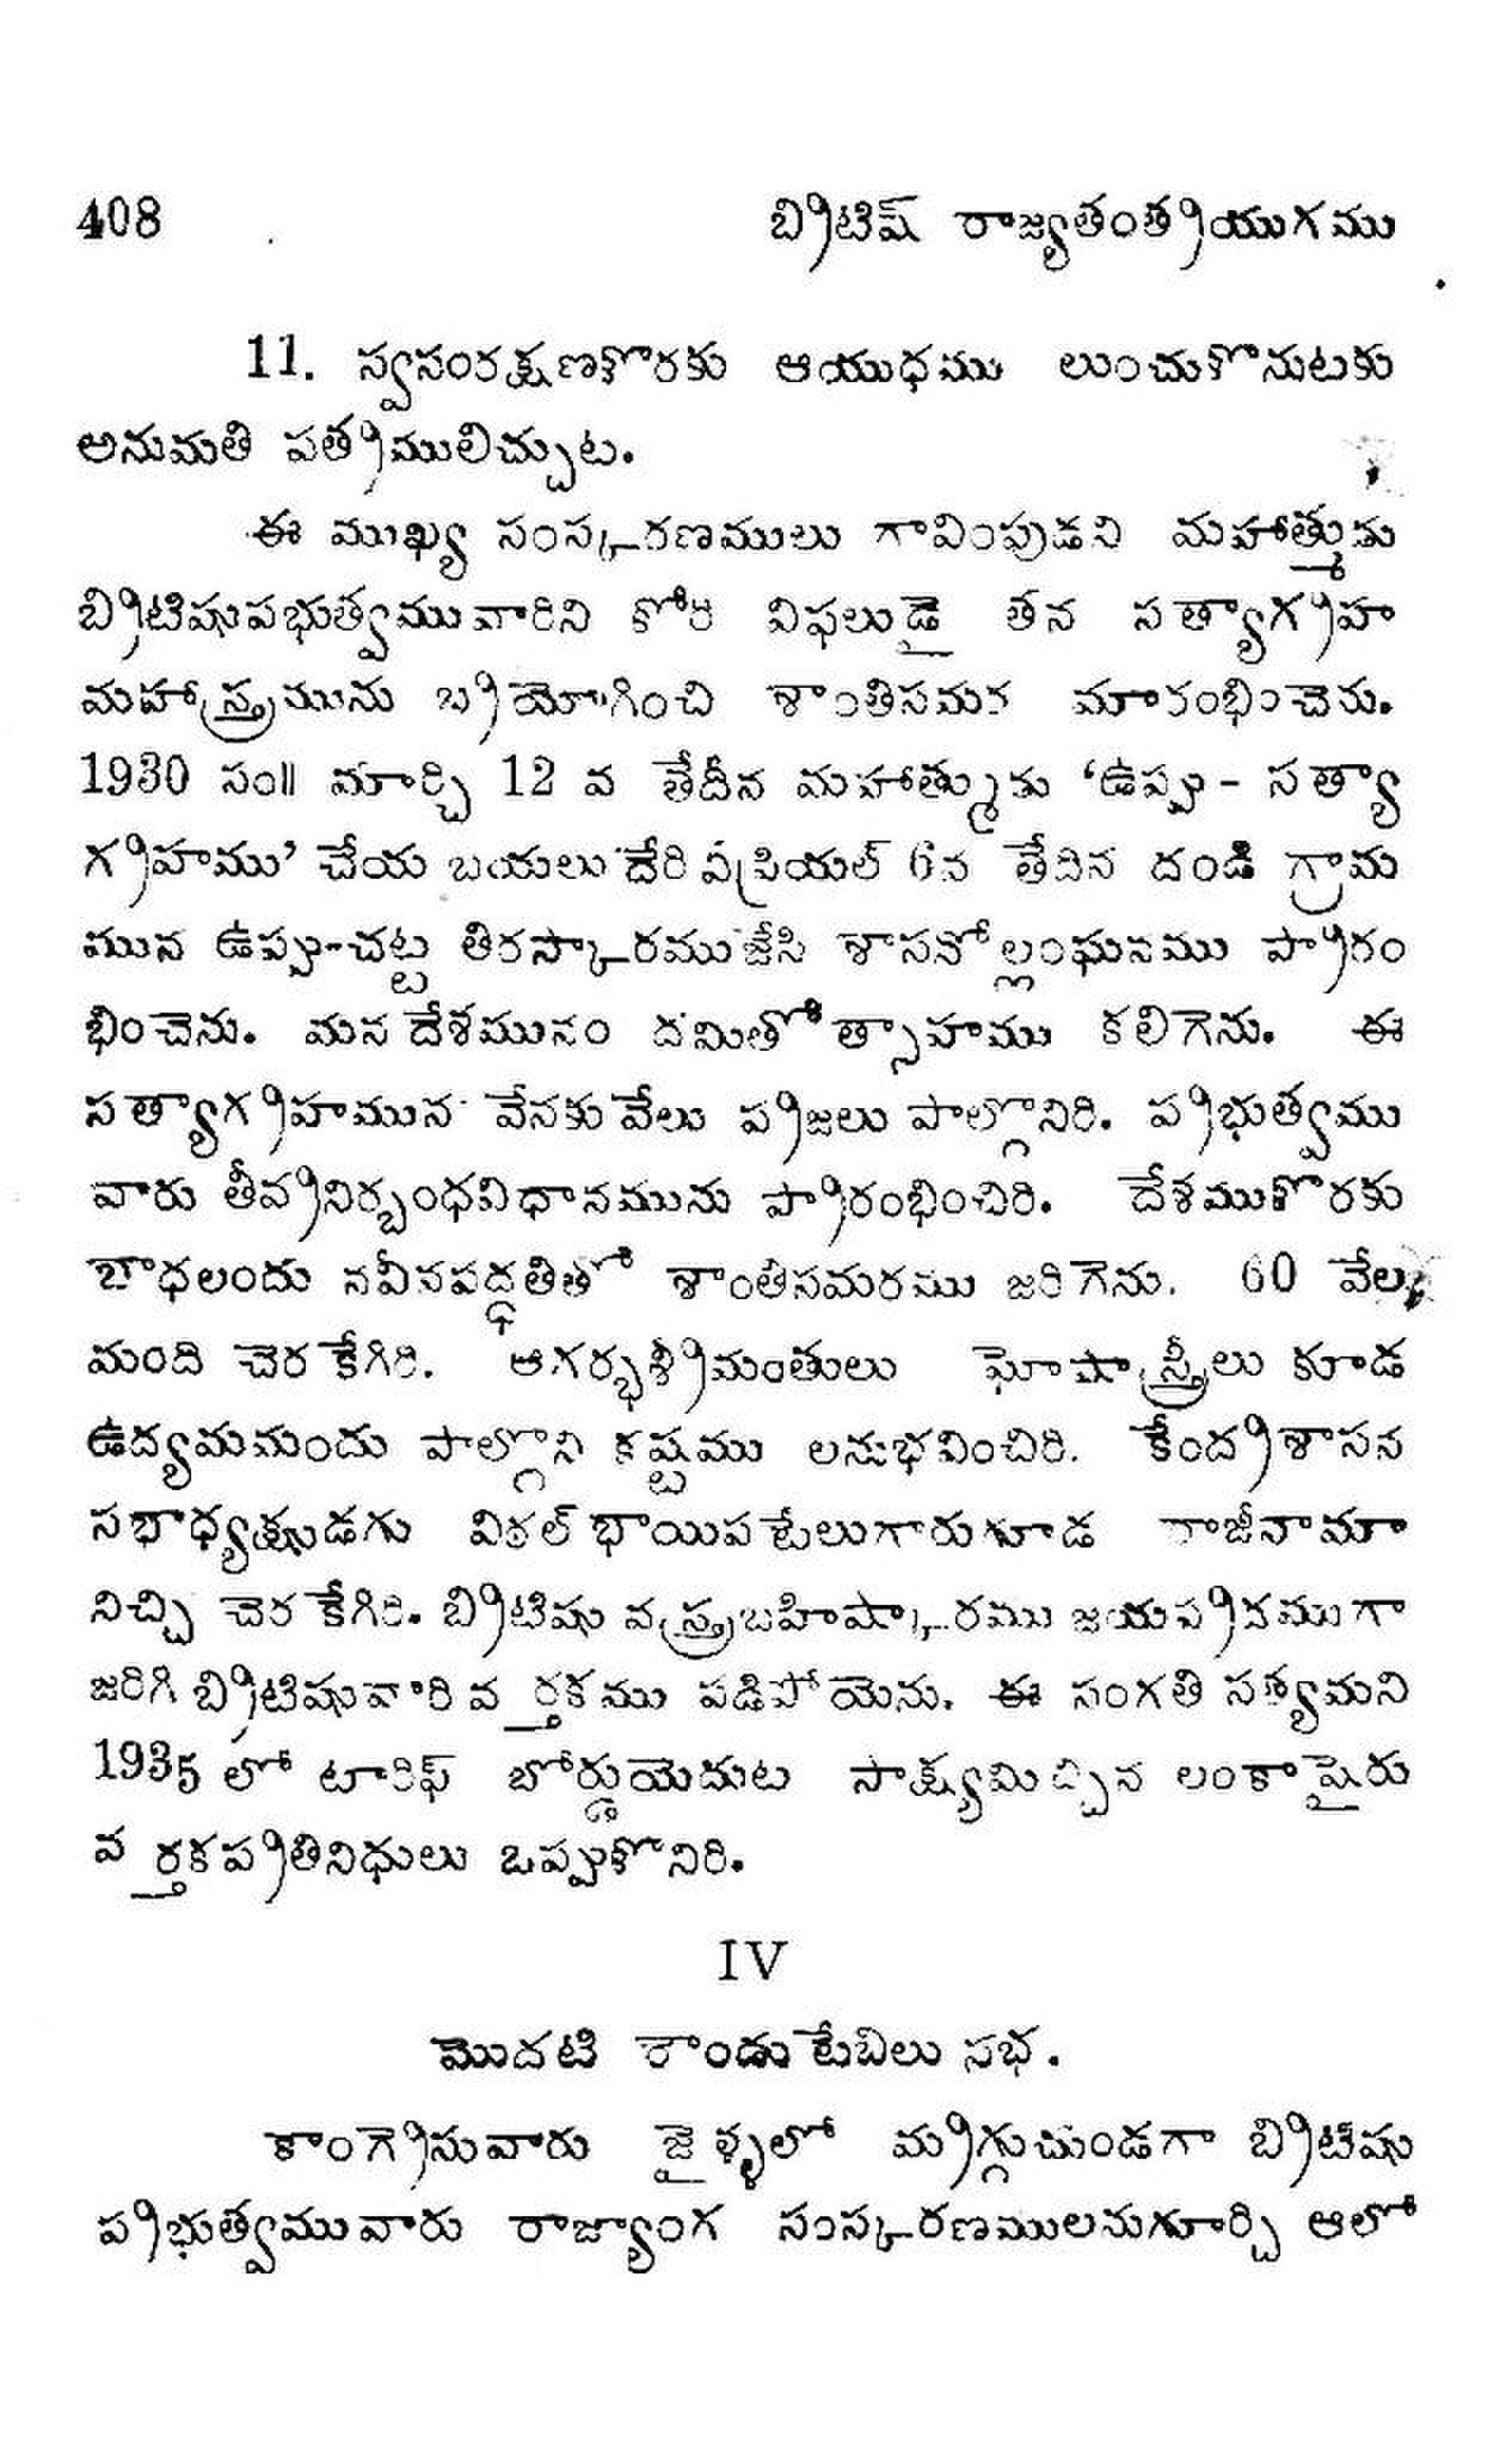11. స్వసంరక్షణకొరకు ఆయుధము లుంచుకొనుటకు అనుమతి పత్రములిచ్చుట.

ఈ ముఖ్య సంస్కరణములు గావింపుడని మహాత్ముడు బ్రిటిషుపభుత్వమువారిని కోరి విఫలుడై తన సత్యాగ్రహ మహాస్త్రమును బ్రయోగించి శాంతిసమర మారంభించెను. 1930 సం|| మార్చి 12 వ తేదీన మహాత్ముడు 'ఉప్పు - సత్యాగ్రహము” చేయ బయలుదేరి ఏప్రియల్ 6 వ తేదిన దండి గ్రామమున ఉప్పు- చట్ట తిరస్కారముజేసి శాసనోల్లంఘనము ప్రారంభించెను. మనదేశమునం దమితోత్సాహము కలిగెను. ఈ సత్యాగ్రహమున వేనకువేలు ప్రజలు పాల్గొనిరి. ప్రభుత్వమువారు తీవ్రనిర్బంధవిధానమును ప్రారంభించిరి. దేశముకొరకు బాధలందు నవీనపద్ధతితో శాంతిసమరము జరిగెను. 60 వేల మంది చెరకేగిరి. ఆగర్భశ్రీమంతులు ఘోషాస్త్రీలు కూడ ఉద్యమమందు పాల్గొని కష్టము లనుభవించిరి. కేంద్రశాసన సభాధ్యక్షుడగు విఠల్‌భాయిపటేలుగారుగూడ రాజీనామా నిచ్చి చెరకేగిరి. బ్రిటిషు వస్త్రబహిష్కారము జయప్రదముగా జరిగి బ్రిటిషువారి వర్తకము పడిపోయెను. ఈ సంగతి సత్యమని 1935 లో టారిఫ్ బోర్డుయెదుట సాక్ష్యమిచ్చిన లంకాషైరు వర్తకప్రతినిధులు ఒప్పుకొనిరి.

IV 
మొదటి రౌండుటేబిలు సభ.

కాంగ్రెసువారు జైళ్ళలో మ్రగ్గుచుండగా బ్రిటీషుప్రభుత్వమువారు రాజ్యాంగ సంస్కరణములనుగూర్చి ఆలో